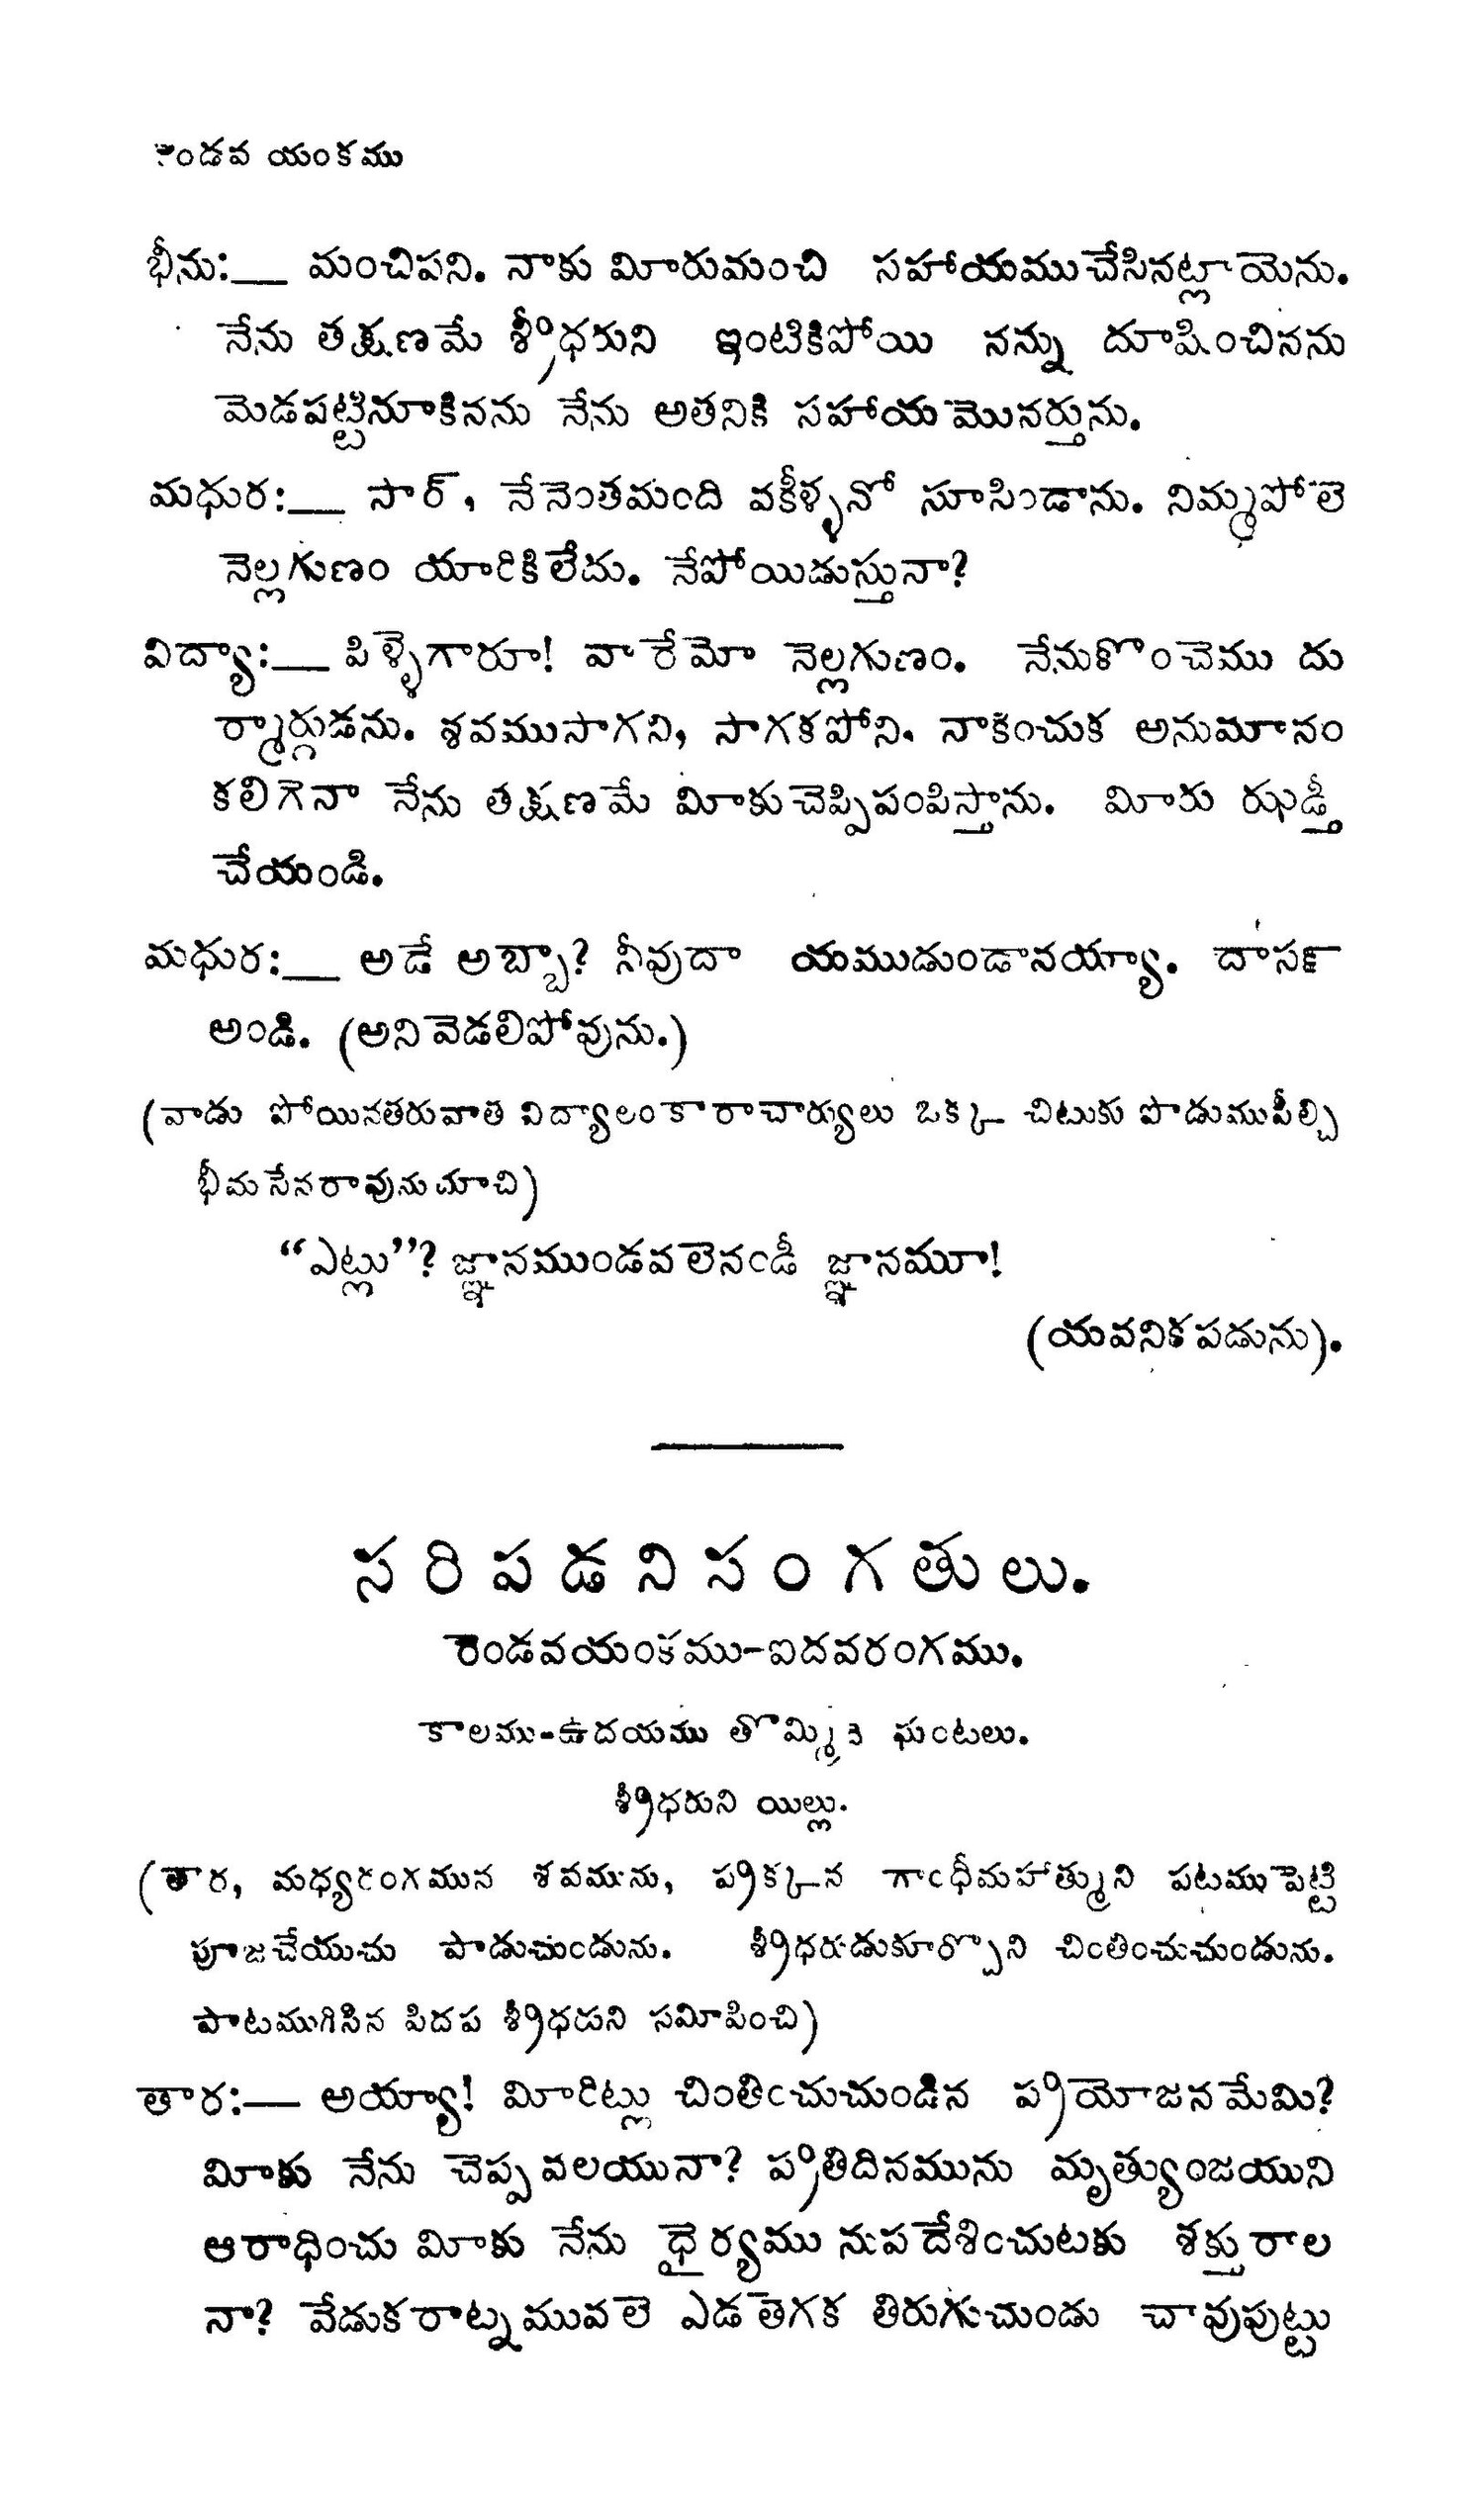భీమ:-మంచిపని. నాకు మీరుమంచి సహాయము చేసినట్లాయెను. నేనుతక్షణమే శ్రీధరుని ఇంటికిపోయి నన్ను దూషించినను మెడపట్టినూకినను నేను అతనికి సహాయమొనర్తును.

మధుర; - సార్, నేనెంతమంది వకీళ్ళనో సూపించాను. నిన్నుపోలె నెల్లగుణం యారికిలేదు. నేపోయిదుస్తునా? 

విద్యా:-పెళ్ళెగారూ! వారేమో నెల్లగుణం,నేనుకొంచెము దుర్మార్గుడను శవము సాగని, నాకించుక అనుమానం కలిగినా నేను తక్షణమే మీకుచెప్పిపంపిస్తాను.మీరు ఝుడ్తీ చేయండి.

మధుర:- ఆడే అబ్బా? నీవుదా యముడుండావయ్యా, దాసన్ అండి. (అనివెడలిపోవును.)

"ఎట్లు"? జ్ఞానముండవలెనండీ జ్ఞానమూ!

 ------

(తార, మద్యరగమున శవమును, ప్రక్కన గాంధీ మహాత్ముని పటముపెట్టి పూజచేయుచు పాడుచుండును శ్రీధరుడుకూర్చొని చింతించుచుండును., పాట ముగిసిన పిదప శీధరుని సమీపించి)

తార:- అయ్యా! మీరిట్లు చింతించుచుండిన ప్రయోజన మేమి? మీకు నేను చెప్పవలయునా? ప్రతిదినమును మృత్యుంజయుని ఆరాధించు మీకు నేను ధైర్యము నుపదేశించుటకు శక్తురాలనా? వేడుక రాట్నము వలె ఎడతెగక తిరుగుచుండు చావుపుట్టు